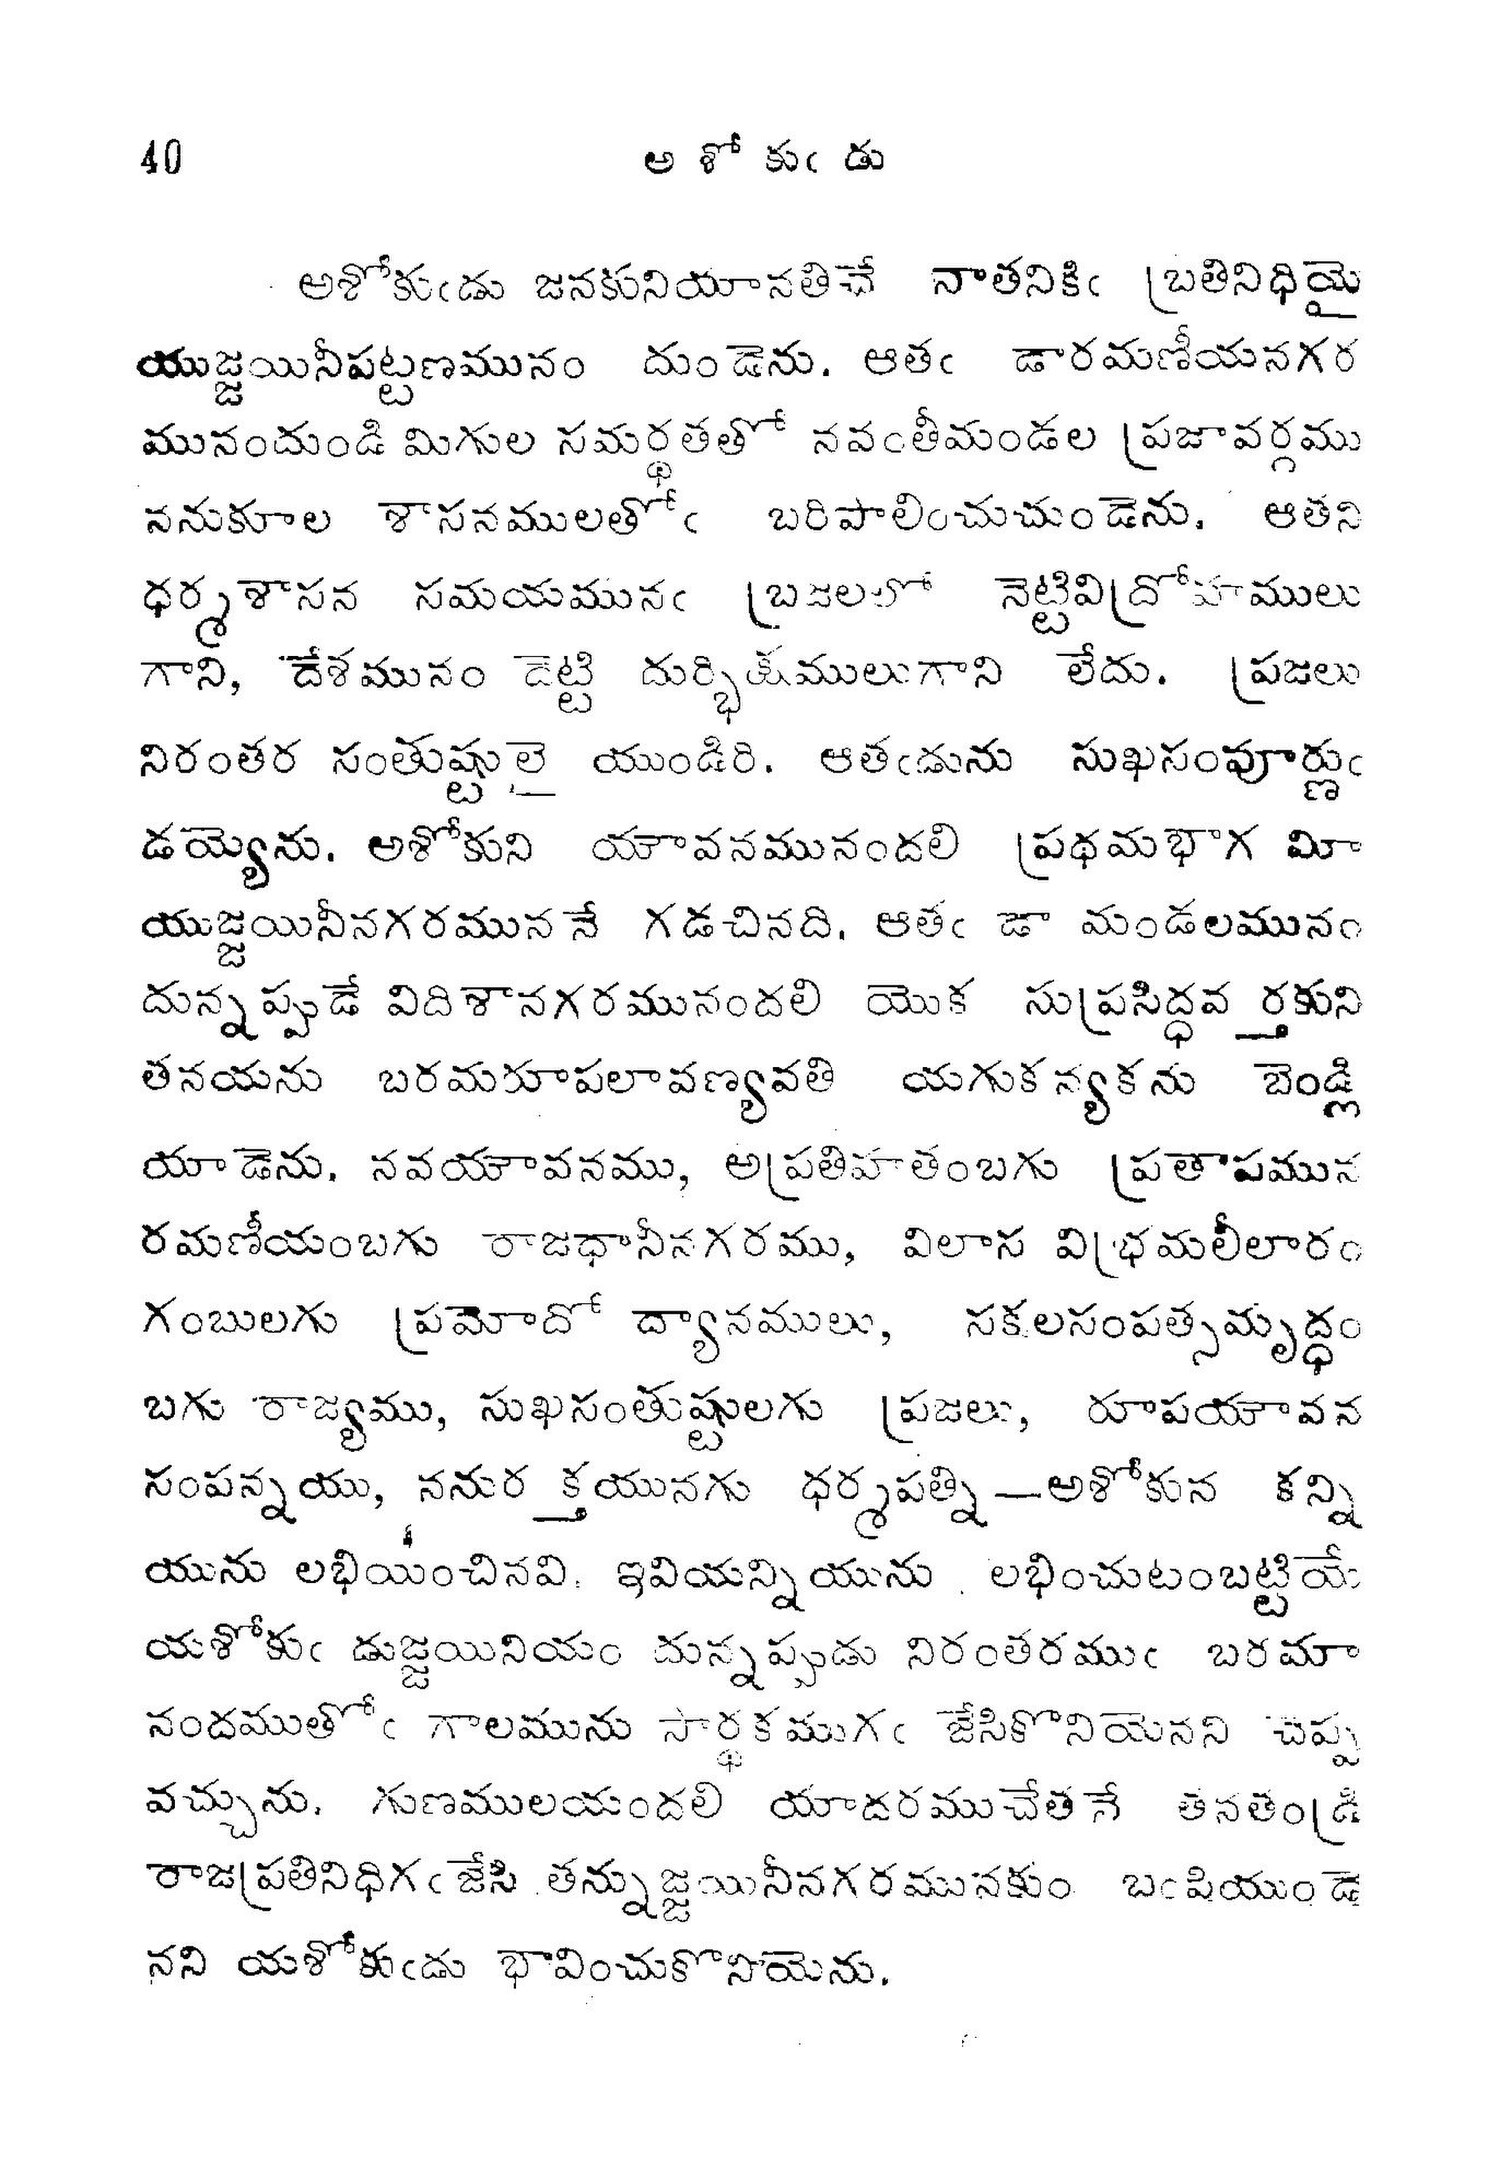అశోకుఁడు జనకునియానతిచే నాతనికిఁ బ్రతినిధియై యుజ్జయినీ పట్టణమునం దుండెను. ఆతఁ డారమణీయనగరము నందుండి మిగుల సమర్థతతో నవంతీమండల ప్రజావర్గము
ననుకూల శాసనములతో బరిపాలించుచుండెను. అతని ధర్మశాసన సమయమునఁ బ్రజలలో నెట్టివిద్రోహములు గాని, "దేశమునం దెట్టి దుర్భిక్షములు గాని లేదు. ప్రజలు నిరంతర సంతుష్టులై యుండిరి. అతఁడును సుఖసంపూర్ణుఁ డయ్యెను. అశోకుని యౌవనమునందలి ప్రథమ భాగ మీ యుజ్జయినీ నగరమున నే గడచినది. ఆతఁ డా మండలమునందున్నప్పుడే విదిశానగరమునందలి యొక సుప్రసిద్ధవ ర్తకుని తనయను బరమరూపలావణ్యవతి యగుకన్యకను బెండ్లి యాడెను. నవయౌవనము, అప్రతిహతంబగు ప్రతాపమున రమణీయంబగు రాజధాని నగరము, విలాస విభ్రమలీలారం గంబులగు ప్రమోడో ద్యానములు, సకలసంపత్సమృద్ధంబగు రాజ్యము, సుఖసంతుష్టులగు ప్రజలు, రూపయౌవన సంపన్నయు, ననురక్తయునగు ధర్మపత్ని - అశోకున కన్నియును లభియించినవి. ఇవియన్నియును, లభించుటంబట్టియే: యశోకుఁ డుజ్జయినియం దున్నప్పుడు నిరంతరముఁ బరమానందముతో ఁ గాలమును సార్థకముగఁ జేసికొని యేనని చెప్పవచ్చును. గుణములయందలి యాదరము చేతనే తనతండ్రి రాజప్రతినిధిగఁ జేసి తన్నుజ్జయినీ నగరమునకుం బంపియుండెనని యశోకుఁడు భావించుకొనియెను.